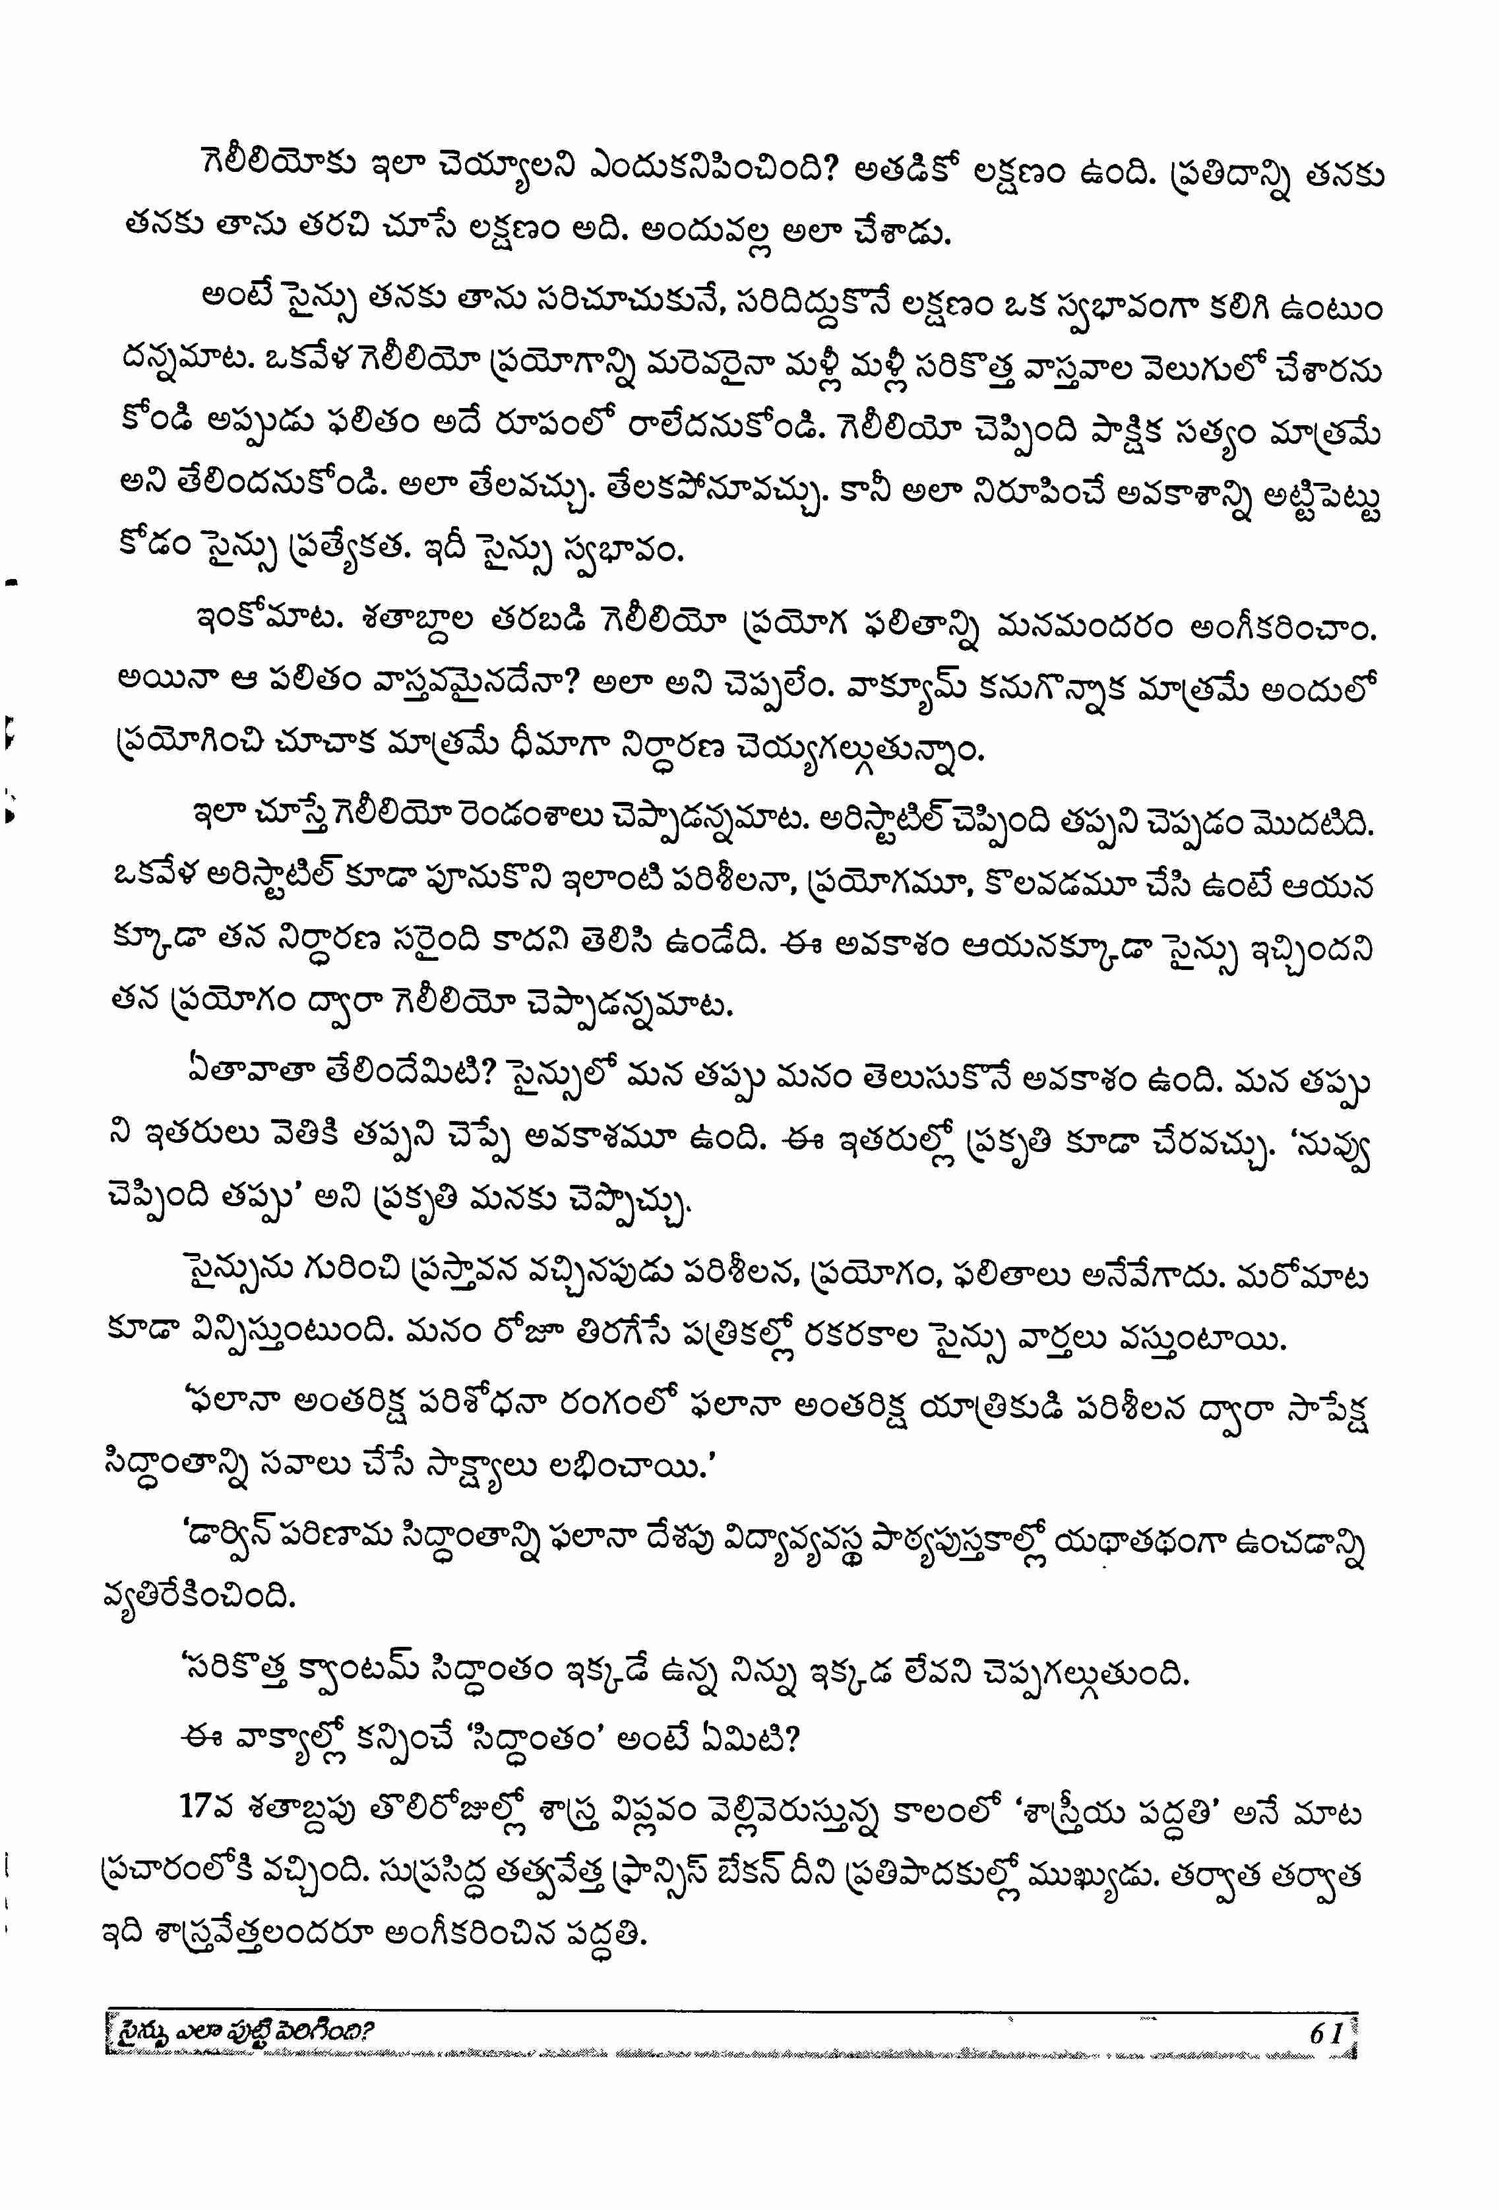గెలీలియోకు ఇలా చెయ్యాలని ఎందుకనిపించింది? అతడికో లక్షణం ఉంది. ప్రతిదాన్ని తనకు తాను తరచి చూసే లక్షణం అది. అందువల్ల అలా చేశాడు.

అంటే సైన్సు తనకు తాను సరిచూచుకునే, సరిదిద్దుకొనే లక్షణం ఒక స్వభావంగా కలిగి ఉంటుందన్నమాట. ఒకవేళ గెలీలియో ప్రయోగాన్ని మరెవరైనా మళ్లీ మళ్లీ సరికొత్త వాస్తవాల వెలుగులో చేశారనుకోండి అప్పుడు ఫలితం అదే రూపంలో రాలేదనుకోండి. గెలీలియో చెప్పింది పాక్షిక సత్యం మాత్రమే అని తేలిందనుకోండి. అలా తేలవచ్చు. తేలకపోనూవచ్చు. కానీ అలా నిరూపించే అవకాశాన్ని అట్టిపెట్టుకోడం సైన్సు ప్రత్యేకత. ఇదీ సైన్సు స్వభావం.

ఇంకోమాట. శతాబ్దాల తరబడి గెలీలియో ప్రయోగ ఫలితాన్ని మనమందరం అంగీకరించాం. అయినా ఆ పలితం వాస్తవమైనదేనా? అలా అని చెప్పలేం. వాక్యూమ్ కనుగొన్నాక మాత్రమే అందులో ప్రయోగించి చూచాక మాత్రమే ధీమాగా నిర్ధారణ చెయ్యగల్గుతున్నాం.

ఇలా చూస్తే గెలీలియో రెండంశాలు చెప్పాడన్నమాట. అరిస్టాటిల్ చెప్పింది తప్పని చెప్పడం మొదటిది. ఒకవేళ అరిస్టాటిల్ కూడా పూనుకొని ఇలాంటి పరిశీలనా, ప్రయోగమూ, కొలవడమూ చేసి ఉంటే ఆయన క్కూడా తన నిర్ధారణ సరైంది కాదని తెలిసి ఉండేది. ఈ అవకాశం ఆయనక్కూడా సైన్సు ఇచ్చిందని తన ప్రయోగం ద్వారా గెలీలియో చెప్పాడన్నమాట.

ఏతావాతా తేలిందేమిటి? సైన్సులో మన తప్పు మనం తెలుసుకొనే అవకాశం ఉంది. మన తప్పుని ఇతరులు వెతికి తప్పని చెప్పే అవకాశమూ ఉంది. ఈ ఇతరుల్లో ప్రకృతి కూడా చేరవచ్చు. 'నువ్వు చెప్పింది తప్పు' అని ప్రకృతి మనకు చెప్పొచ్చు.

సైన్సును గురించి ప్రస్తావన వచ్చినపుడు పరిశీలన, ప్రయోగం, ఫలితాలు అనేవేగాదు. మరోమాట కూడా విన్పిస్తుంటుంది. మనం రోజూ తిరగేసే పత్రికల్లో రకరకాల సైన్సు వార్తలు వస్తుంటాయి.

'ఫలానా అంతరిక్ష పరిశోధనా రంగంలో ఫలానా అంతరిక్ష యాత్రికుడి పరిశీలన ద్వారా సాపేక్ష సిద్ధాంతాన్ని సవాలు చేసే సాక్ష్యాలు లభించాయి.'

'డార్విన్ పరిణామ సిద్ధాంతాన్ని ఫలానా దేశపు విద్యావ్యవస్థ పాఠ్యపుస్తకాల్లో యథాతథంగా ఉంచడాన్ని
వ్యతిరేకించింది.

'సరికొత్త క్వాంటమ్ సిద్ధాంతం ఇక్కడే ఉన్న నిన్ను ఇక్కడ లేవని చెప్పగల్గుతుంది.

ఈ వాక్యాల్లో కన్పించే 'సిద్ధాంతం' అంటే ఏమిటి?

17వ శతాబ్దపు తొలిరోజుల్లో శాస్త్ర విప్లవం వెల్లివెరుస్తున్న కాలంలో 'శాస్త్రీయ పద్ధతి' అనే మాట ప్రచారంలోకి వచ్చింది. సుప్రసిద్ధ తత్వవేత్త ఫ్రాన్సిస్ బేకన్ దీని ప్రతిపాదకుల్లో ముఖ్యుడు. తర్వాత తర్వాత ఇది శాస్త్రవేత్తలందరూ అంగీకరించిన పద్ధతి.